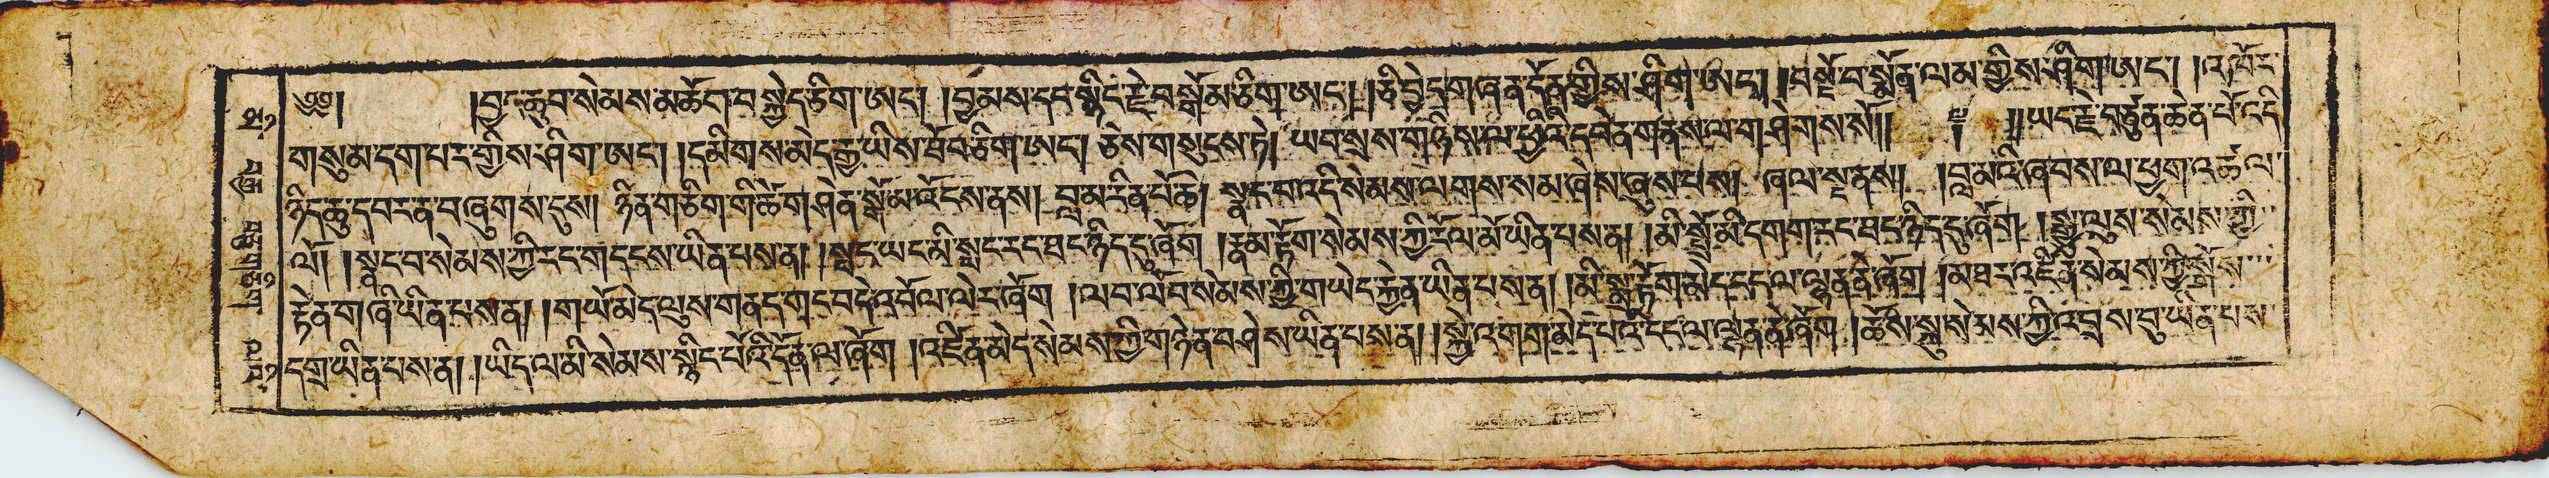བྱང་ཆུབ་སེམས་མཆོག་བསྐྱེད་ཅིག་ཨང་། །བྱམས་དང་སྙིང་རྗེ་བསྒོམ་ཅིག་ཨང་། །ཅི་བྱེད་གཞན་དོན་གྱིས་ཤིག་ཨང་། བསྔོ་བ་སྨོན་ལམ་གྱིས་ཤིག་ཨང་། །འཁོར་
གསུམ་དག་པར་གྱིས་ཤིག་ཨང་། །དམིགས་མེད་རྒྱ་ཡིས་ཐོབ་ཅིག་ཨང། ཅེས་གསུངས་ཏེ། ཡབ་སྲས་གཉིས་ལ་ཕྱིར་དབེན་གནས་ལ་གཤེགས་སོ།།༈ ཡང་རྗེ་བཙུན་ཆེན་པོ་འདི་
ཉིད་ཆུ་དབར་ན་བཞུགས་དུས། ཉིན་གཅིག་གི་ཚེ་གཤེན་སྒོམ་འོངས་ནས། བླ་མ་དྲིན་པོ་ཆེ། སྣང་བ་འདི་སེམས་ལགས་སམ་ཞེས་ཞུས་པས། ཞལ་སྔ་ནས། །བླ་མའི་ཞབས་ལ་ཕྱག་འཚལ་
ལ། །སྣང་བ་སེམས་ཀྱི་རང་གདངས་ཡིན་པས་ན། །སྤང་ཡང་མི་སྤང་རང་ཐང་ཉིད་དུ་ཞོག །རྣམ་རྟོག་སེམས་ཀྱི་རོལ་མོ་ཡིན་པས་ན། །མི་སྤྲོ་མི་དགག་རང་ཐང་ཉིད་དུ་ཞོག །སྒྱུ་ལུས་སེམས་ཀྱི་
རྟེན་གཞི་ཡིན་པས་ན། །གཡོ་མེད་ལུས་གནད་གང་བདེ་འབོལ་ལེར་ཞོག །ལབ་ལོབ་སེམས་ཀྱི་གཡེང་རྐྱེན་ཡིན་པས་ན། །མི་སླ་རྟོག་མེད་ངང་ལ་ལྷན་གྱིས་ཞོག །མཐར་འཛིན་སེམས་ཀྱི་སྒོས་
དགྲ་ཡིན་པས་ན། །ཡིད་ལ་མི་སེམས་སྙིང་པོའི་དོན་ལ་ཞོག །འཛིན་མེད་སེམས་ཀྱི་གཉེན་བཤེས་ཡིན་པས་ན། །སྐྱེ་འགག་མེད་པའི་ངང་ལ་ལྷན་ནེ་ཞོག །ཆོས་སྐུ་སེམས་ཀྱི་འབྲས་བུ་ཡིན་པས་